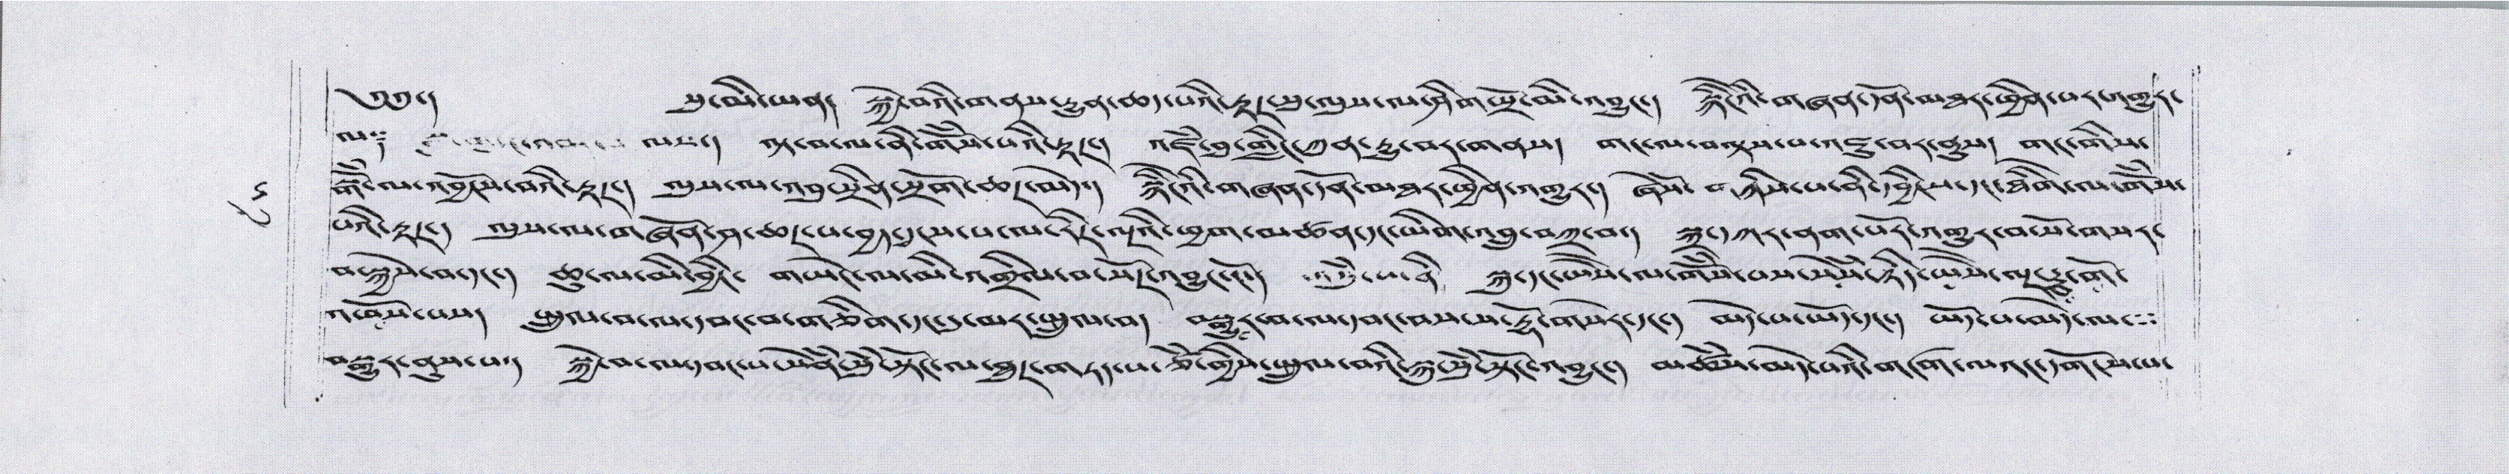སུ་མི་ཡན། སྐྱེ་བའི་གནས་རྒྱུན་ཆད་པའི་རྟགས་སུ་ལུས་ལ་ཤིག་སྲོ་མི་འབྱུང་། སྙིང་རྗེས་གཞན་དོན་མཐར་ཕྱིན་པར་འགྱུར་
ལ། ༼༽ལས། ལྟ་བ་ནི་གོམས་པའི་རྟགས། འཛམ་བུ་གླིང་ཀུན་རྒྱུ་བར་གནས། གང་ལ་བལྟས་པ་འགྱུ་བར་ནུས། གང་གིས་
སྒོམ་ལ་འབྱོངས་པའི་རྟགས། ལུས་ལ་འབུ་སྲིན་སྲོག་ཆགས་མེད། སྙིང་རྗེའི་གཞན་དོན་མཐར་ཕྱིན་འགྱུར། ཞེས་སོ། གཉིས་པ་ནི། དབྱིངས་དང་ཐིག་ལེ་ལ་གོམས་
པའི་རྟགས། ལུས་ལ་གཞོན་ཤ་ཆགས་པ་བྱད་དྭངས་པ་ལ་རིགས་ལྔའི་ཕྱག་མཚན་དང་ཡིག་འབྲུ་བཀྲ་བ། སྐྲ་དཀར་ནག་པོར་འགྱུར་བ། སོ་གསར་
པ་སྐྱེ་བ། ཆུ་ལ་མི་བྱིངས། གཡང་ལ་མི་འགྲིལ་བ་སོགས་འབྱུུང་ངོ་། གསུམ་པ་ནི། སྐུ་དང་ཡེ་ཤེས་ལ་གོམས་པས་སེམས་ཉིད་ཡེ་ཤེས་ལྔ་རུ་གོ་
འཕོས་པས། སྤྲུལ་པ་ལ་དབང་བ་གཅིག་དང་དུ་མར་སྤྲུལ་པ། བསྒྱུར་བ་དབང་བས་ས་རྡོ་གསེར་དང་། མེད་པ་ཡོད་པ་དང་། ཡོད་པ་མེད་ལ་
བསྒྱུར་ནུས་པ། སྐྱེ་བ་ལ་དབང་བ་སེམས་ཅན་སུམ་སྟོང་ལ་ཐུགས་གཏད་པ་ཙམ་གྱིས་སྤྲུལ་པའི་སྐུ་སུམ་སྟོང་འབྱུང་། མཚམས་མེད་པའི་གང་ཟག་ལའང་དགོངས་པ་